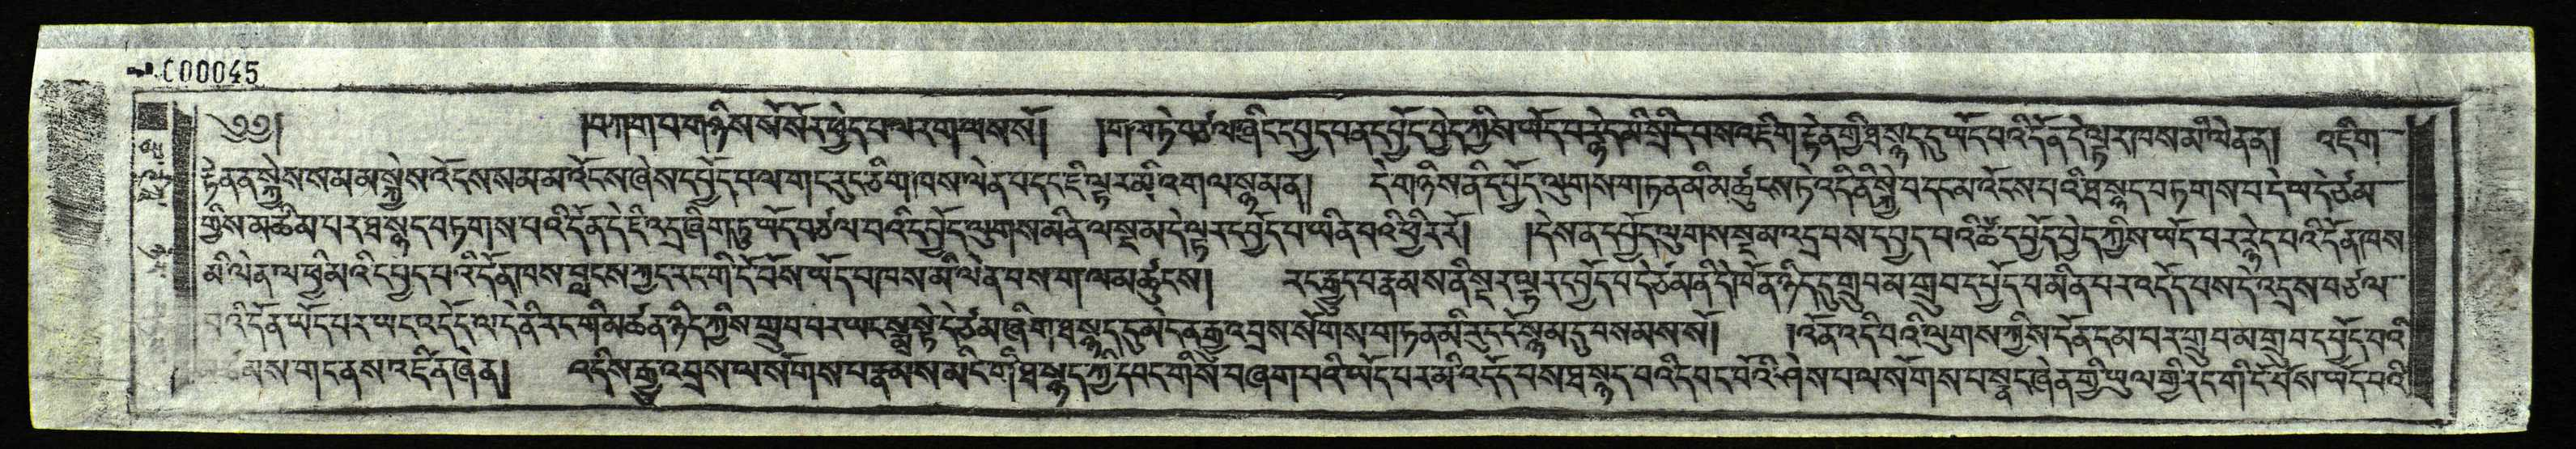༄༅། །བཀག་པ་གཉིས་སོ་སོར་ཕྱེད་པ་ལ་རག་ལས་སོ། །གལ་ཏེ་བཙལ་ཞིང་དཔྱད་པ་ན་དཔྱོད་བྱེད་ཀྱིས་ཡོད་པ་རྙེད་མི་སྲིད་བས་འཇིག་རྟེན་གྱི་ཐ་སྙད་དུ་ཡོད་བའི་དོན་དེ་ལྟར་ཁས་མི་ལེན་ན། འཇིག་
རྟེན་ན་སྐྱེས་སམ་མ་སྐྱེས་འོངས་སམ་མ་འོངས་ཞེས་དཔྱོད་པ་ལ་གང་རུང་ཅིག་ཁས་ལེན་པ་དང་ཇི་ལྟར་མི་འགལ་སྙམ་ན། དེ་གཉིས་ནི་དཔྱོད་ལུགས་གཏན་མི་མཚུངས་ཏེ་འདི་ནི་སྐྱེ་བ་དང་མ་འོངས་པའི་ཐ་སྙད་བཏགས་པ་དེ་ལ་དེ་ཙམ་
གྱིས་མཚིམ་པར་ཐ་སྙད་བཏགས་པའི་དོན་དེ་ཇི་འདྲ་ཞིག་ཏུ་ཡོད་བཙལ་བའི་དཔྱོད་ལུགས་མིན་ལ་སྔ་མ་དེ་ལྟར་དཔྱོད་པ་ཡིན་པའི་ཕྱིར་རོ། །དེས་ན་དཔྱོད་ལུགས་སྔ་མ་འདྲ་བས་དཔྱད་པའི་ཚེ་དཔྱོད་བྱེད་ཀྱིས་ཡོད་པར་རྙེད་པའི་དོན་ཁས་
མི་ལེན་ལ་ཕྱི་མའི་དཔྱད་པའི་དོན་ཁས་བླངས་ཀྱང་རང་གི་ངོ་བོས་ཡོད་པ་ཁས་མི་ལེན་པས་ག་ལ་མཚུངས། རང་རྒྱུད་པ་རྣམས་ནི་སྔར་ལྟར་དཔྱོད་པ་དེ་ཙམ་ནི་དེ་ཁོ་ན་ཉིད་དུ་གྲུབ་མ་གྲུབ་དཔྱོད་པ་མིན་པར་འདོད་པས་དེ་འདྲས་བཙལ་
བའི་དོན་ཡོད་པར་ཡང་འདོད་ལ་དེ་ནི་རང་གི་མཚན་ཉིད་ཀྱིས་གྲུབ་པར་ཡང་སྨྲ་སྟེ་དེ་ཙམ་ཞིག་ཐ་སྙད་དུ་མེད་ན་རྒྱུ་འབྲས་སོགས་གཏན་མི་རུང་ངོ་སྙམ་དུ་བསམས་སོ། །འོ་ན་འདི་བའི་ལུགས་ཀྱིས་དོན་དམ་པར་གྲུབ་མ་གྲུབ་དཔྱོད་པའི་
མཚམས་གང་ནས་འཛིན་ཞེ་ན། འདིས་རྒྱུ་འབྲས་ལ་སོགས་པ་རྣམས་མིང་གི་ཐ་སྙད་ཀྱི་དབང་གིས་བཞག་པའི་ཡོད་པར་མི་འདོད་པས་ཐ་སྙད་པའི་དབང་པོའི་ཤེས་པ་ལ་སོགས་པ་སྣང་ཞེན་གྱི་ཡུལ་གྱི་རང་གི་ངོ་བོས་ཡོད་པའི་